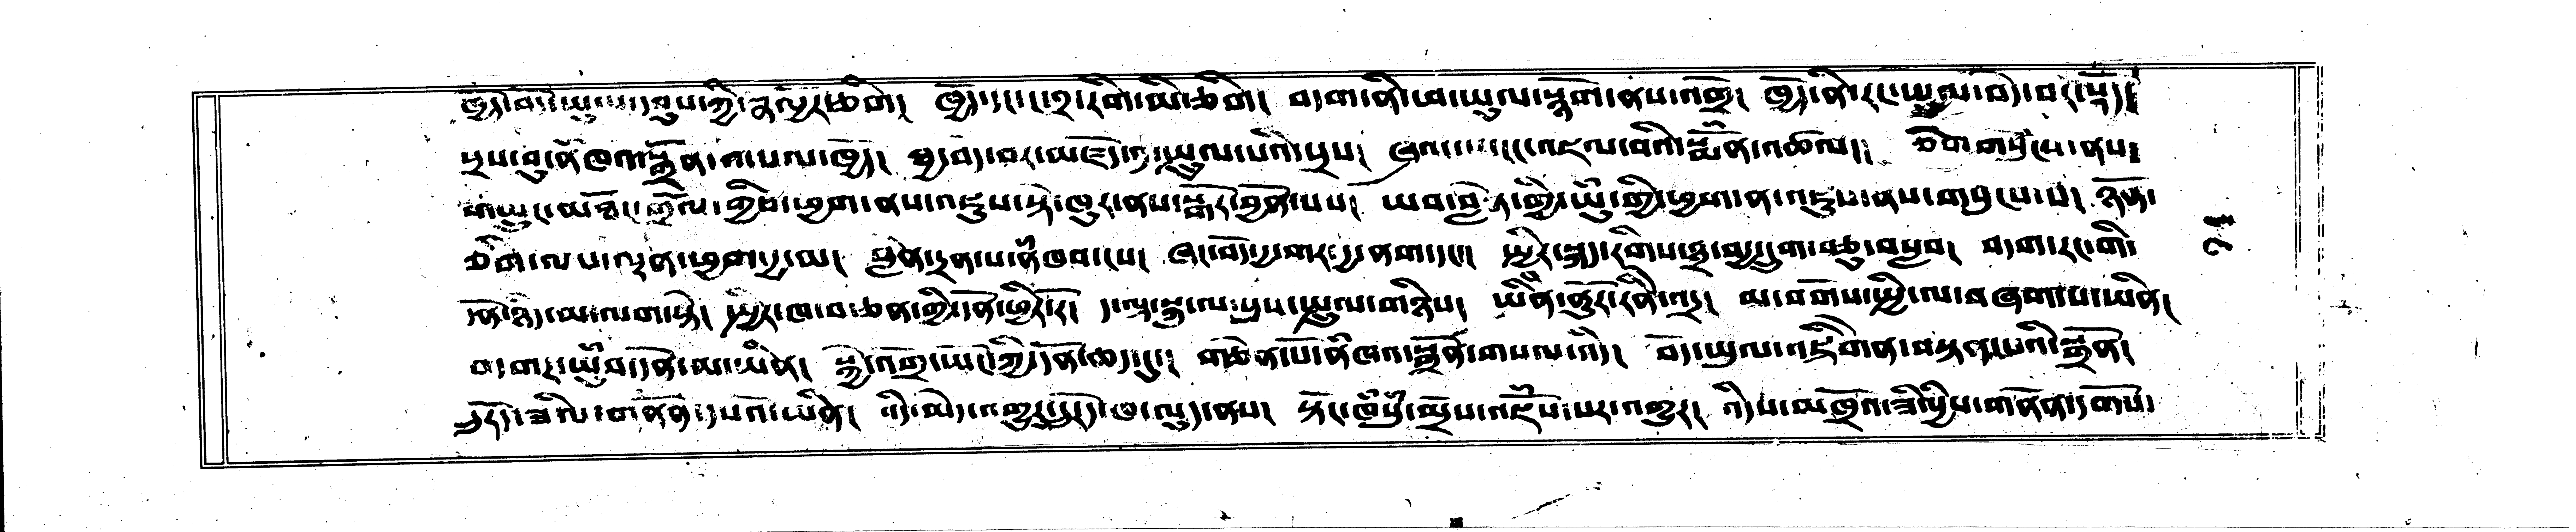ཁྱེད་བོད་ཡུལ་དབུས་ཀྱི་རྣལ་འབྱོར་ཅིག ཁྱོད་དང་ང་གཉིས་རིགས་མི་གཅིག བདག་ནི་ཕ་ཡུལ་སྙོགས་ནས་འགྲོ། ཁྱོད་ནི་རང་ཡུལ་བདེ་བར་སྡོད། 
སྲས་སུ་ནམ་མཁའ་སྒྲོན་གསལ་ཁྱོད། ཐུགས་བདེ་བར་མཛོད་ཅིག་སྤྲུལ་པའི་སྲས། ཞལ་ཡང་ཡང་མཇལ་བའི་སྨོན་ལམ་འཚལ། ཅེས་གསུངས་ནས་
གཡུང་དྲུང་མཐོང་གྲོལ་གྱི་ཕྱག་ནས་འཇུས་ཏེ་ཁུར་ནས་སྒོར་བྱོན་པས། ཡབ་བླ་ཆེན་གྱིས་ཡུམ་གྱི་ཕྱག་ནས་འཇུས་ནས་གསུངས་པ། ཉོན་
ཅིག་ལས་ལྡན་ཕྱག་རྒྱ་མ། བླ་ཆེན་དྲན་པ་ནམ་མཁའ་ངས། ཞང་བོད་རྒྱ་གར་རྒྱ་ནག་དང་། སྤྱིར་སྐད་རིགས་སུམ་བརྒྱ་དྲུག་ཅུ་བསླབས། བདག་རང་གི་
དོན་ཉིད་མ་ལགས་ཏེ། སྤྱིར་ཁ་བ་ཅན་གྱི་དོན་ཕྱིར་རོ། ད་ལྟ་སྐུ་ལ་སྲས་སྤྲུལ་གཉིས། ཡིད་བཞིན་ནོར་བུ་རིན་ཆེན་འདྲ། མ་བགོས་སྤྱི་ལ་བཞག་པ་ཡིན། 
བདག་ཅག་ཡབ་ཡུམ་དོན་མ་ཡིན། སྐྱེ་འགྲོ་ཡོངས་ཀྱི་དོན་ཆེད་དུ། གཅེན་པོ་ནམ་མཁའ་སྒྲོན་གསལ་འདི། བོད་ཡུལ་འཇིག་རྟེན་བསྟན་པའི་སྒྲོན། 
དུར་ཁྲོད་ཟིལ་གནོན་དཔའ་བོ་ཡིན། འདི་མེད་འགྱུར་དུར་ཁྲོད་ཁ་ལུད་ནས། སྟོང་ཁམས་གསུམ་མཁའ་འགྲོས་འཇོམས་པར་འགྱུར། འདིས་མཁའ་འགྲོ་ཟིལ་གྱིས་གནོན་དགོས་